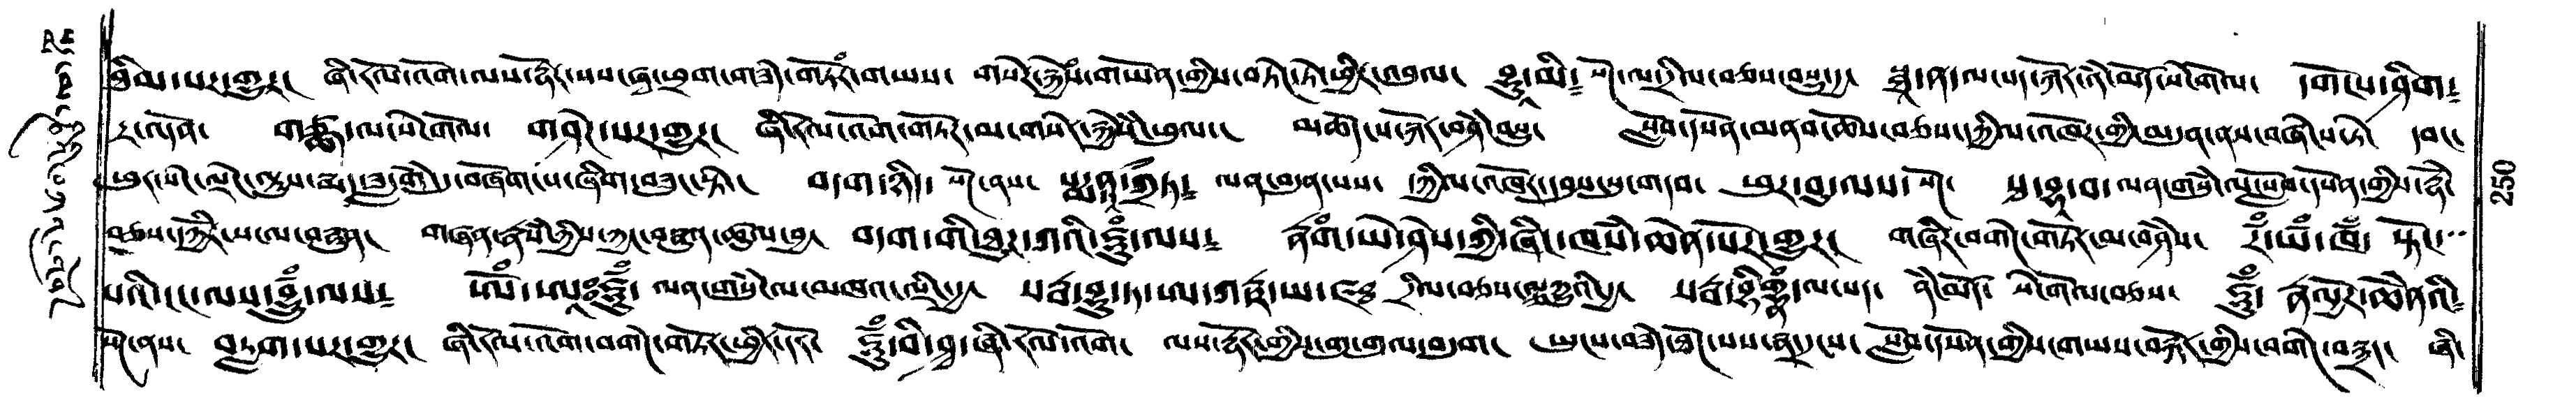ཐིམ་པར་གྱུར། ཞི་རོལ་འོག་ལས་རྡོར་པྲས་ཞྭ་ཕྲག་གཟེད་གཏོར་མ་གཡས། གསེར་སྐྱེམས་གཡོན་གྱིས་བཏེགས་ཏེ་ཕྱིར་འབུལ། བྷཱུ་མི༴ སོགས་ལ་དྲིལ་བཅས་བསྡུ་རྒྱ། སྠཱ་ན་ལ་པད་སྐོར་ནམ་མཛོད་སེ་གོལ། དགོངས་ཤིག༴ 
རྟ་འདོན། གཙྪ་ལ་སེ་གོལ། གཤེགས་པར་གྱུར། ཞི་རོལ་འོག་གཏོར་མ་གསེར་སྐྱེམས་ཕུལ། མཆོད་པ་བསྐོར་བཤམས་བསྡུ། སློབ་དཔོན་མནབ་ཆོས་བཅས་དཀྱིལ་འཁོར་གྱི་མདུན་ནས་བཞེངས་ཏེ། དབང་
ཕུར་སེང་ལྡེང་ལྟ་བུ་སྨད་ཟླ་གམ་དུ་བཞོགས་པ་ཞིག་བཟུང་སྟེ། བདག་ཉིད༴ སོགས་ནས། པདྨནྟཱ་ཀྲིཏ༴ ལན་བདུན་པས་དཀྱིལ་འཁོར་དབུས་སུ་གདབ། ཕུར་བུ་ལས༴ སོགས། སྭ་བྷཱ་བ༴ ལན་གསུམ་ལ་སློབ་དཔོན་གྱིས་རྡོ་རྗེ་
བཅས་དཀྱིལ་འཁོར་གྱི་ས་ལ་བསྣུན། གཞན་རྣམས་ཀྱིས་ཀྱང་སྣུན་ཚུལ་བྱ། བདག་གི་ཐུགས་ཀའི་ཧཱུྃ་ལས༴ རྣམ་དག་ཡེ་ཤེས་ཀྱི་ཞིང་ཁམས་ཆེན་པོར་གྱུར། གཞི་བགེགས་གཏོར་མ་བཤམ། རྃ་ཡྃ་ཁྃ། སྟོང་
པའི་ངང་ལས་བྷྲུྃ་ལས༴ ཨོཾ་ཨཱཿཧཱུྃ། ལན་གསུམ་ལ་མཁའ་ལྡིང་རྒྱ། སརྦ་བྷུ་ཏ་ཨ་ཀརྵ་ཡ་ཛཿ དྲིལ་བཅས་ལྕགས་ཀྱུའི་རྒྱ། སརྦ་བྷིགྷྣཾ༴ ལ་པད་སྐོར་ནམ་མཛོད་སེ་གོལ་བཅས། ཧཱུྃ༔ རྣལ་འབྱོར་ཆེན་པོའི༴ 
སོགས་ནས། བརླག་པར་གྱུར༔ ཞི་རོལ་འོག་བགེགས་གཏོར་ཕྱིར་དོར།ཧཱུྃ་བི་ཤྭ༴ ཞི་རོལ་འོག ལས་རྡོར་གྱིས་གུ་གུལ་བདུག ཡུངས་བཟེད་ཐོགས་པས་སྣ་དྲངས་སློབ་དཔོན་གྱི་གཡས་བསྐོར་གྱིས་བགེགས་བསྐྲད། ཞི་